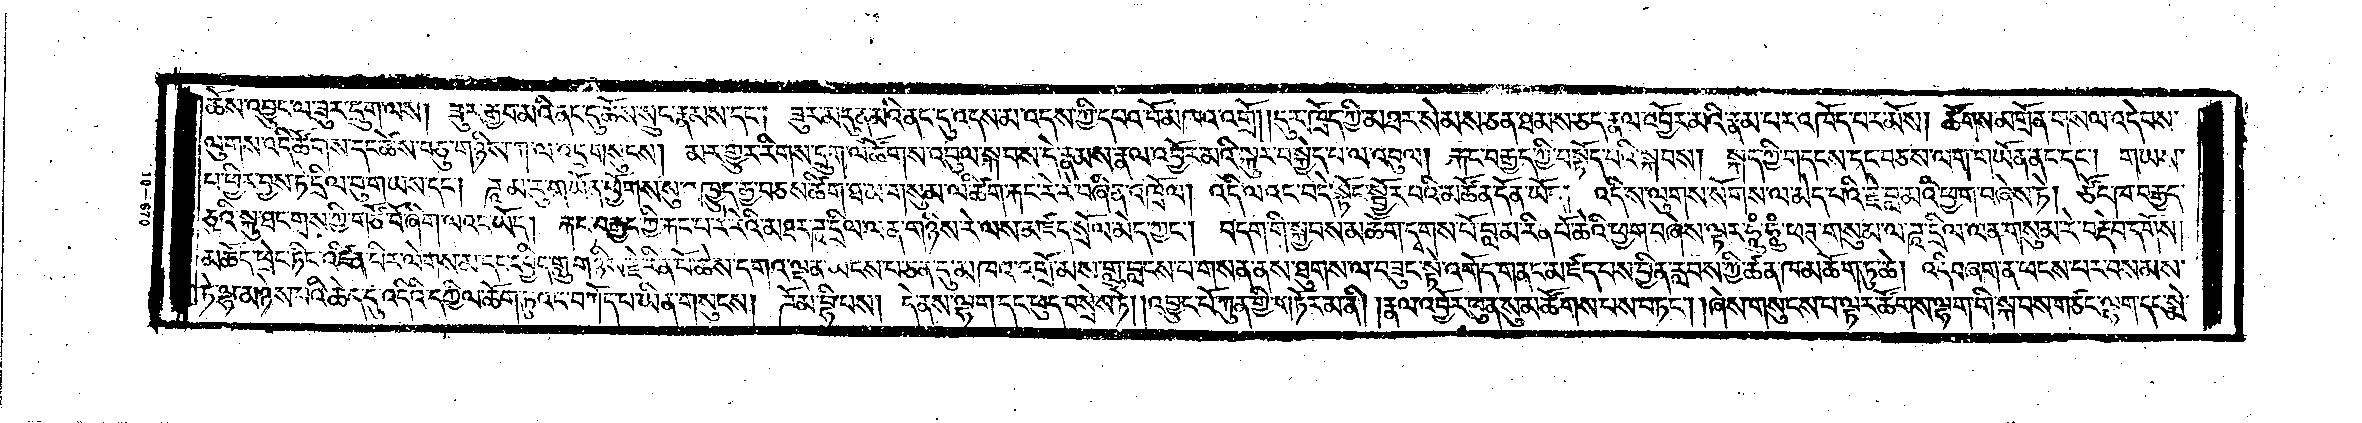ཆོས་འབྱུང་ལ་ཟུར་དྲུག་ལས། ཟུར་རྒྱབ་མའི་ནང་དུ་ཆོས་སྲུང་རྣམས་དང་། ཟུར་མདུན་མའི་ནང་དུ་འདས་མ་འདས་ཀྱི་དཔའ་བོ་མཁའ་འགྲོ། དུར་ཁྲོད་ཀྱི་མཐར་སེམས་ཅན་ཐམས་ཅད་རྣལ་འབྱོར་མའི་རྣམ་པར་འཁོད་པར་མོས། ཚོགས་མགྲོན་གསལ་འདེབས་
ལུགས་འདི་ཚོགས་དང་ཚེས་བཅུ་གཉིས་ཀ་ལ་འདྲ་གསུངས། མར་གྱུར་རིགས་དྲུག་ལ་ཚོགས་འབུལ་སྐབས་དེ་རྣམས་རྣལ་འབྱོར་མའི་སྐུར་བསྐྱེད་པ་ལ་འབུལ། རྐང་བརྒྱད་ཀྱི་བསྟོད་པའི་སྐབས། སྐད་ཀྱི་གདངས་དང་བཅས་ལག་གཡོན་ནང་དང་། གཡས་
པ་ཕྱིར་བྱས་ཏེ་དྲིལ་བུ་གཡས་དང་། ཌཱ་མ་རུ་གཡོན་ཕྱོགས་སུ་འཁྱུད་རྒྱ་བཅས་ཚིག་ཐ་མ་གསུམ་ལ་ཚིག་རྐང་རེ་རེ་བཞིན་འཁྲོལ། འདི་ལའང་བདེ་སྟོང་སྦྱོར་བའི་མཚོན་དོན་ཡོད། འདིས་ལུགས་སོགས་ལ་མེད་པའི་རྗེ་བླ་མའི་ཕྱག་བཞེས་ཏེ། ཙོང་ཁ་བརྒྱད་
ཅུའི་སྐུ་ཐང་གྲས་ཀྱི་གཙོ་བོ་ཞིག་ལའང་ཡོད། རྐང་པ་རྒྱད་ཀྱི་རྐང་པ་རེ་རེའི་མཐད་ཌཱ་དྲིལ་ལན་གཉིས་རེ་ལས་མཛད་སྲོལ་མེད་ཀྱང་། བདག་གི་སྐྱབས་མཆོག་དྭགས་པོ་བླ་མ་རིན་པོ་ཆེའི་ཕྱག་བཞེས་ལྟར་ཧཱུཾ་ཧཱུཾ་བཌ་?་གསུམ་ལ་ཌཱ་དྲིལ་ལན་གསུམ་རེ་བརྡེབ་དགོས།
མཆོད་ཕྲེང་ཏིང་འཛིན་པིར་ལེགས་མ་དང་ཕྱིད་གླུ་གཉིས་རྗེ་རིན་པོ་ཆེས་དགའ་ལྡན་ཡངས་པ་ཅན་དུ་མཁའ་འགྲོ་མས་གླུ་བླངས་པ་གསན་ནས་ཐུགས་ལ་བཟུང་སྟེ་འགོད་གནང་མཛད་པས་བྱིན་རླབས་ཀྱི་ཚན་ཁ་མཆོག་ཏུ་ཆེ། འདི་བཞག་ན་ཕངས་པར་བསམས་
ཏེ་ལྷ་མཉེས་པའི་ཆེད་དུ་འདིའི་དཀྱིལ་ཆོག་ཏུའང་བཀོད་པ་ཡིན་གསུངས། ཌོམ་བྷི་བས། དེ་ནས་ལྷག་དང་ཕུད་བསྲེས་ཏེ། །འབྱུང་པོ་ཀུན་གྱི་གཏོར་མ་ནི། །རྣལ་འབྱོར་ཕུན་སུམ་ཚོགས་པས་བཏང་། །ཞེས་གསུངས་པ་ལྟར་ཚོགས་ལྷག་གི་སྐབས་གཙང་ལྷག་དང་སྨེ་